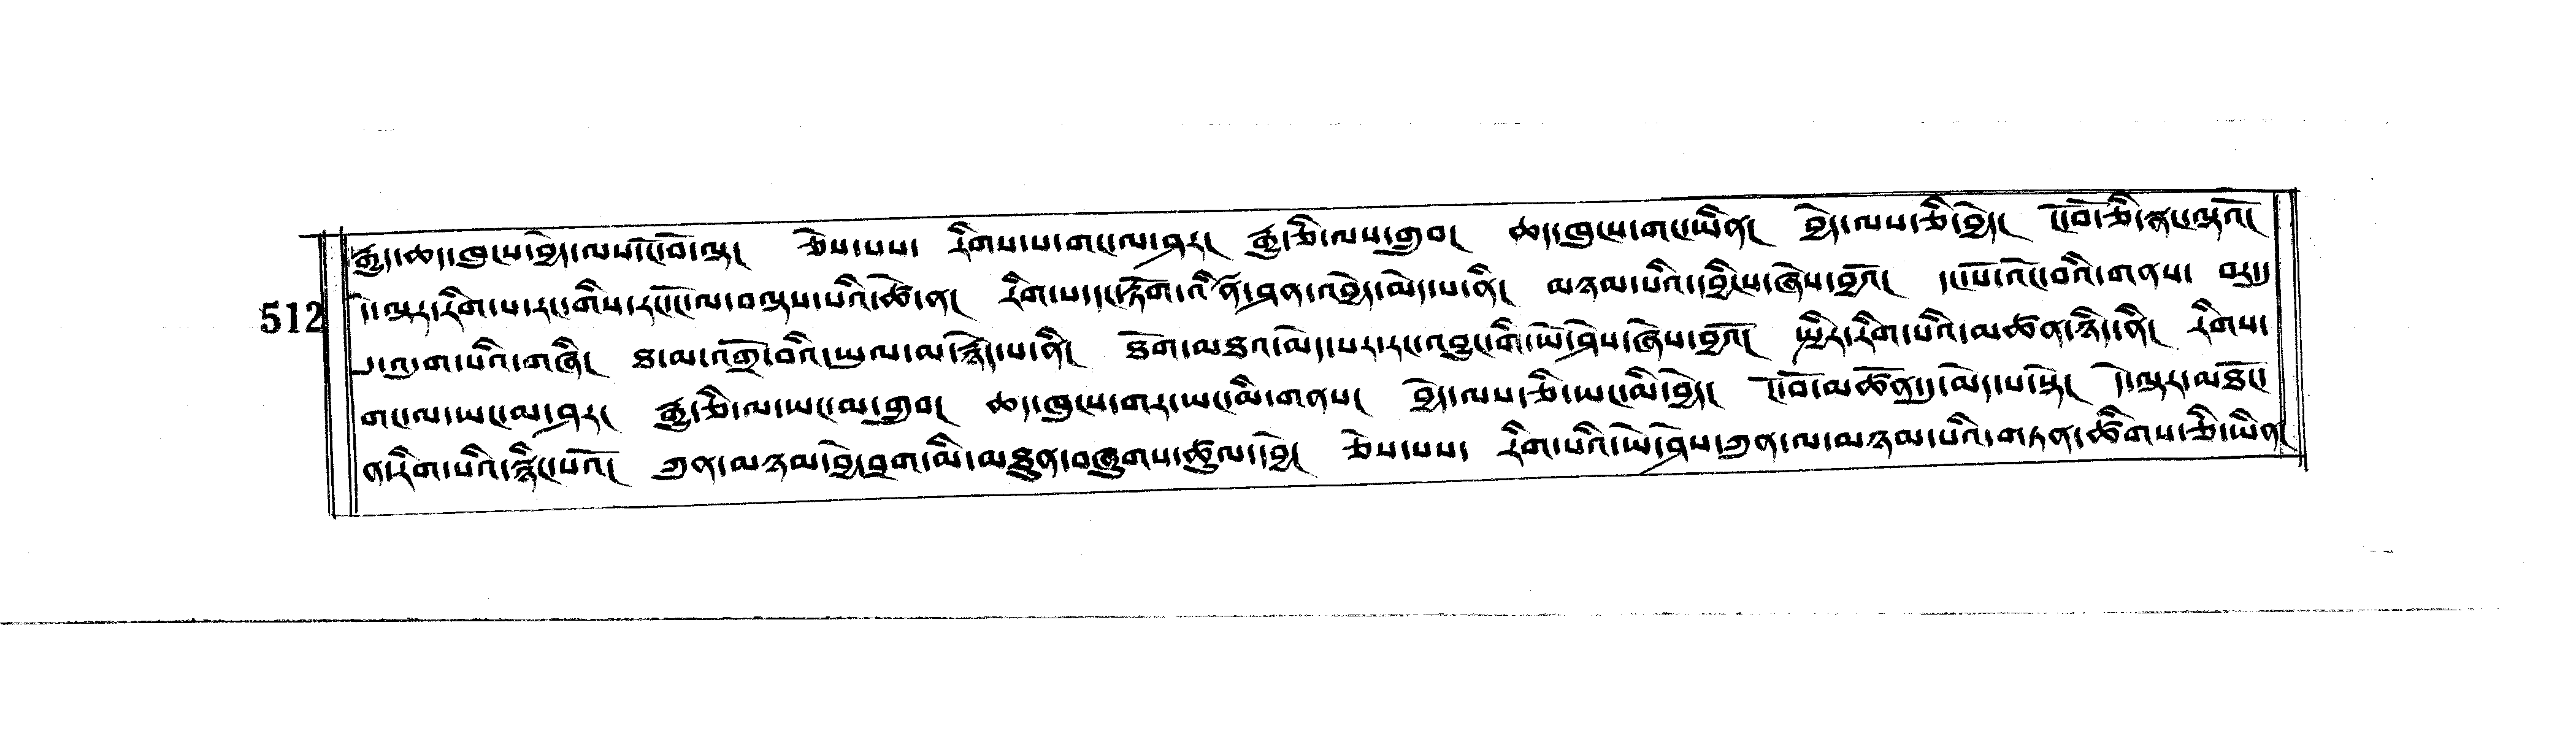རྒྱུད་ཆད་ཁུངས་བྱེད་ལས་ངོ་བོ་བལྟ། ཅེས་པས། རིག་པ་གང་ལ་ཤར། རྒྱུ་ཅི་ལས་གྲུབ། ཆད་ཁུངས་གང་ཡིན། བྱེད་ལས་ཅི་བྱེད། ངོ་བོ་ཅི་སྣང་ལྟའོ། 
དེ་ལྟར་རིག་པ་རང་གིས་རང་ངོ་ལ་བལྟས་པའི་ཚེ་ན། རིག་པ་དང་རྟོག་འཛིན་ཤན་འབྱེད་མེད་པ་ནི། མཉམ་པའི་དབྱིངས་ཞེས་བྱའོ། དང་པོ་འོང་བའི་གནས། བར་དུ་
འདུག་པའི་གཞི། ཐ་མ་འགྲོ་བའི་ཡུལ་མ་རྙེད་པ་ནི། ཐོག་མཐའ་མེད་པ་རང་འབྱུང་གི་ཡེ་ཤེས་ཞེས་བྱའོ། སྤྱིར་རིག་པའི་མཚན་ཉིད་ནི། རིགས་
གང་ལའང་མ་ཤར། རྒྱུ་ཅི་ལ་ཡང་མ་གྲུབ། ཆད་ཁུངས་གར་ཡང་མི་གནས། བྱེད་ལས་ཅི་ཡང་མི་བྱེད། ངོ་བོ་མཚོན་དུ་མེད་པ་སྟེ། དེ་ལྟར་མཐོང་
ན་རིག་པའི་སྙིང་པོའོ། ཀུན་མཉམ་བྱེ་བྲག་མི་མཐུན་བཞུགས་ཚུལ་དབྱེ། ཅེས་པས། རིག་པའི་ཡེ་ཤེས་ཀུན་ལ་མཉམ་པའི་གཏན་ཚིགས་ཅི་ཡིན།